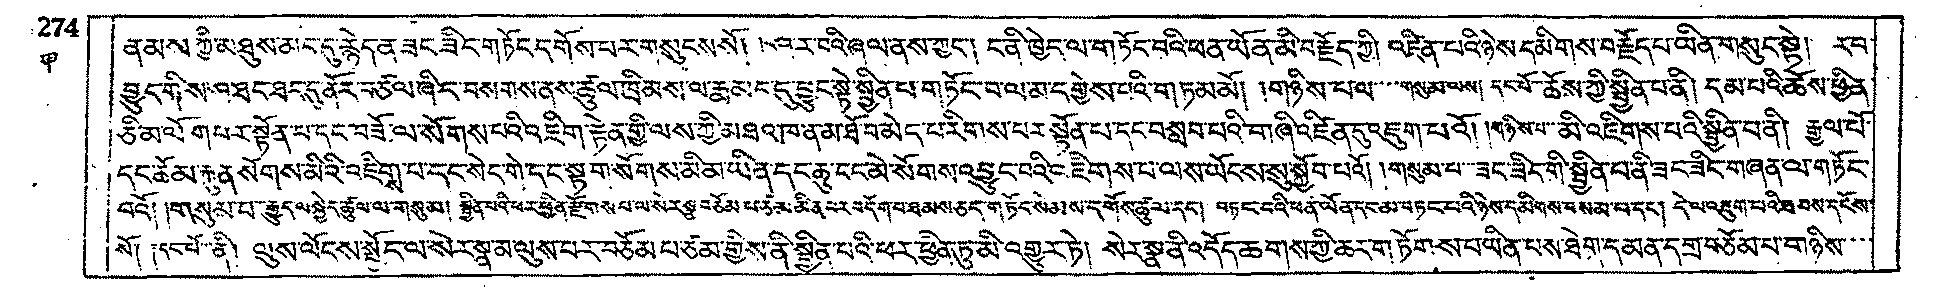ནམས་ཀྱི་མཐུས་མང་དུ་རྙེད་ན་ཟང་ཟིང་གཏོང་དགོས་པར་གསུངས་སོ། །ཤ་ར་བའི་ཞལ་ནས་ཀྱང་། ང་ནི་ཁྱེད་ལ་གཏོང་བའི་ཕན་ཡོན་མི་བརྗོད་ཀྱི། འཛིན་པའི་ཉེས་དམིགས་བརྗོད་པ་ཡིན་གསུང་སྟེ། རབ་
བྱུང་གིས་ཤ་ཐང་ཐང་དུ་ནོར་བཙལ་ཞིང་བསགས་ནས་ཚུལ་ཁྲིམས་ལ་རྨ་ངན་དུ་ཕྱུང་སྟེ་སྦྱིན་པ་གཏོང་བ་ལ་མ་དགྱེས་པའི་གཏམ་མོ། །གཉིས་པ་ལགསུམ་ལས། དང་པོཆོས་ཀྱི་སྦྱིན་པ་ནི། དམ་པའི་ཆོས་ཕྱིན་
ཅི་མ་ལོག་པར་སྟོན་པ་དང་བཟོ་ལ་སོགས་པའི་འཇིག་རྟེན་གྱི་ལས་ཀྱི་མཐའ་ཁ་ན་མ་ཐོ་བ་མེད་པ་རིགས་པར་སྟོན་པ་དང་བསླབ་པའི་གཞི་འཛིན་དུ་འཇུག་པའོ། །གཉིས་པམི་འཇིགས་པའི་སྦྱིན་པ་ནི། རྒྱལ་པོ་
དང་ཆོམ་རྐུན་སོགས་མིའི་འཇིགས་པ་དང་སེང་གེ་དང་སྟག་སོགས་མི་མ་ཡིན་དང་ཆུ་ངང་མེ་སོགས་འབྱུང་བའི་འཇིགས་པ་ལས་ཡོངས་སུ་སྐྱོབ་པའོ། །གསུམ་པཟང་ཟིང་གི་སྦྱིན་པ་ནི་ཟང་ཟིང་གཞན་ལ་གཏོང་
བའོ། །གསུམ་པརྒྱུད་ལ་སྐྱེད་ཚུལ་ལ་གསུམ། སྦྱིན་པའི་ཕར་ཕྱིན་རྫོགས་པ་ལ་སེར་སྣ་བཅོམ་པ་ཙམ་མིན་པར་བདོག་པ་ཐམས་ཅད་གཏོང་སེམས་དགོས་ཚུལ་དང་། བཏང་བའི་ཕན་ཡོན་དང་མ་བཏང་པའི་ཉེས་དམིགས་བསམ་པ་དང་། དེ་ལ་འཇུག་པའི་ཐབས་དངོས་
སོ༑ ༑དང་པོནི། ལུས་ལོངས་སྤྱོད་ལ་སེར་སྣ་མ་ལུས་པར་བཅོམ་པ་ཙམ་གྱིས་ནི་སྦྱིན་པའི་ཕར་ཕྱིན་ཏུ་མི་འགྱུར་ཏེ། སེར་སྣ་ནི་འདོད་ཆགས་ཀྱི་ཆར་གཏོགས་པ་ཡིན་པས་ཐེག་དམན་དགྲ་བཅོམ་པ་གཉིས་